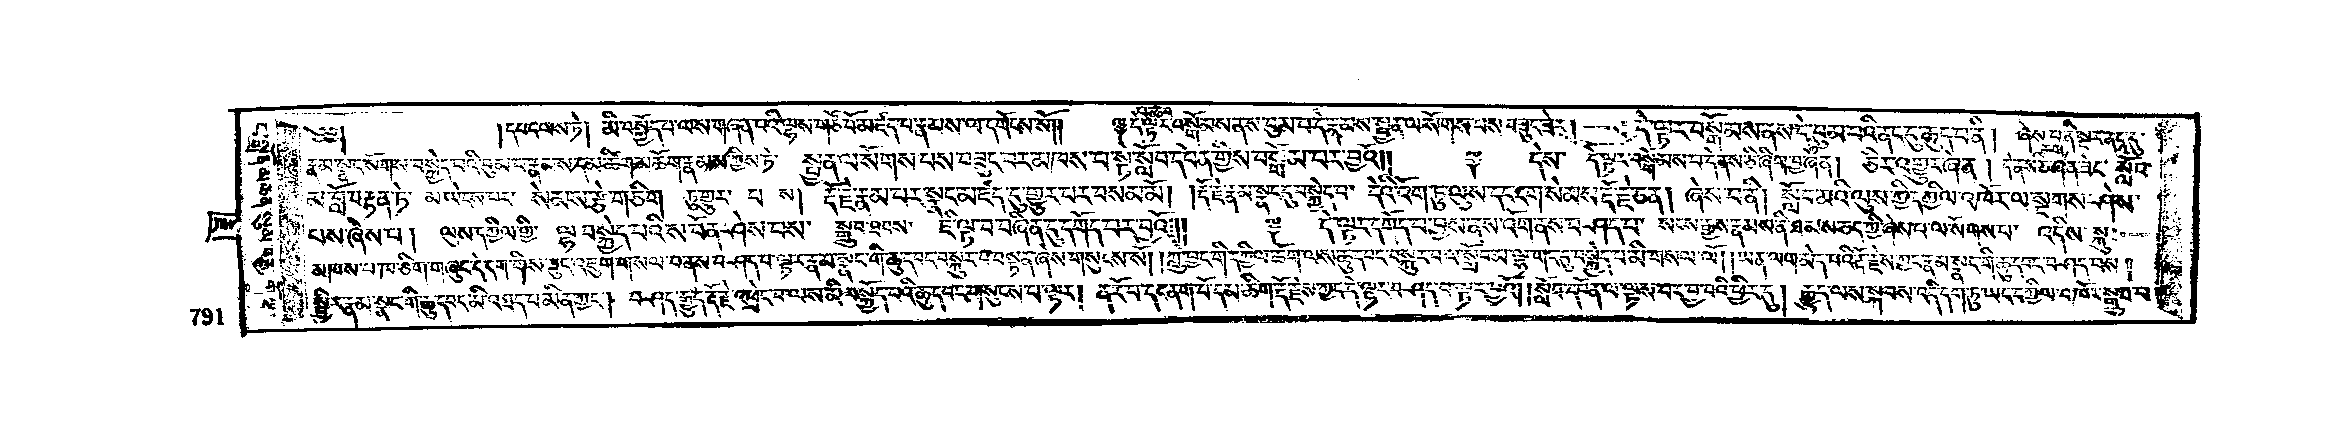༄༅། །དབང་ལས་ཏེ། མི་བསྐྱོད་པ་ལས་གཞན་པའི་ལྷས་གཙོ་བོ་མཛད་པ་རྣམས་ལ་དགོངས།། ༧་པ་ཚབ་དེ་ལྟར་བསྒོམས་ནས་བུམ་པ་དེ་རྣམས་སྤྱན་ལ་སོགས་པས་བཟུང་ཟེར། .H དེ་ལྟར་བསྒོམས་ནས་དེ་བུམ་པའི་ནང་དུ་ཆུད་པ་ནི། ཞེས་པ་ནི་སྔར་ནད་དུ་
རྣམ་སྣང་སོགས་བསྐྱེད་པའི་བུམ་པ་རྣམས་དམ་ཚིག་མཆོག་རྣམས་ཀྱིས་ཏེ་སྤྱན་ལ་སོགས་པས་བཟུང་བར་མཁས་པ་སྟེ་སློབ་དཔོན་གྱིས་བསྒོམ་པར་བྱའོ།། ༈ དེས་དེ་ལྟར་བསྒོམས་པ་དེ་ནས་ཅི་ཞིག་བྱ་ཞེ ༡་ན། ཅིར་འགྱུར་ཞེ་ན་། དེ་ནས་ཅི་ཆག་ཞེན་ཟེར་༢་སློབ་
མ་བློ་བརྟན་ཏེ་མ་ཡེངས་པར་སེམས་རྩེ་གཅིག་ཏུ་གྱུར་པས། རྡོ་རྗེ་རྣམ་པར་སྣང་མཛད་དུ་གྱུར་པར་བསམ་མོ། ། རྡོ་རྗེ་རྣམ་སྣང་དུ་བསྐྱེད་པ་དེའི་འོག་ཏུ་ལུས་དང་ངག་སེམས་རྡོ་རྗེ་ཅན། ཞེས་པ་ནི། སློབ་མའི་ལུས་ཀྱི་དཀྱིལ་འཁྲོ་ལ་སྔགས་ཤེས་
པས་ཞེས་པ། ལུས་དཀྱིལ་འཁོར་གྱི་ལྷ་བསྐྱེད་པའི་ས་བོན་ཤེས་པས་སྒྲུབ་ཐབས་ཇི་ལྟ་བ་བཞིན་དུ་དགོད་པར་བྱའོ།། ༈ དེ་ལྟར་དགོད་པ་བྱས་ནས་འོག་ནས་བཤད་པ་སངས་རྒྱས་རྣམས་ནི་ཐམས་ཅད་ཀྱི་ཞེས་པ་ལ་སོགས་པ་འདིས་སྐུ་H.
མཁས་པ་ཁ་ཅིག་གཞུང་དེ་དག་གིས་ཟུང་འཇུག་གསལ་བ་ནས་བཤད་པ་ལྟར་རྣམ་སྣང་གི་ཆུ་དབང་བསྐུར་བ་བསྟན་ཞེས་གསུངས་སོ། །ཀླུ་བྱང་གི་དཀྱིལ་ཆོག་ལས་ཆུ་དབང་བསྐུར་བ་ལ་སློབ་མ་ལྷ་གང་དུ་བསྐྱེད་པ་མི་གསལ་ལོ། །ཡན་ལག་མེད་པའི་རྡོ་རྗེས་ཀྱང་རྣམ་སྣང་གི་ཆུ་དབང་བཤད་པས།
སྤྱིར་རྣམ་སྣང་གི་ཆུ་དབག་མི་འཐད་པ་མིན་ཀྱང་། བཤད་རྒྱུད་རྡོ་རྗེ་འཕྲེང་བ་ལས་མི་བསྐྱོད་པའི་ཆུད་བ་གསུངས་པ་སྟེ། ན་རོ་བ་དང་ནག་པོ་དམ་ཚིག་རྡོ་རྗེ་ཀྱང་དེ་ལྟར་བཤད་པ་ལྟར་བྱའོ། །སློབ་དཔོན་ལ་ལྟས་བར་བྱ་བའི་ཕྱིར་དུ། རྒྱུད་ལས་སྐབས་འདི་དག་ཏུ་ཡང་དཀྱིལ་སྒྲུབ་པ་